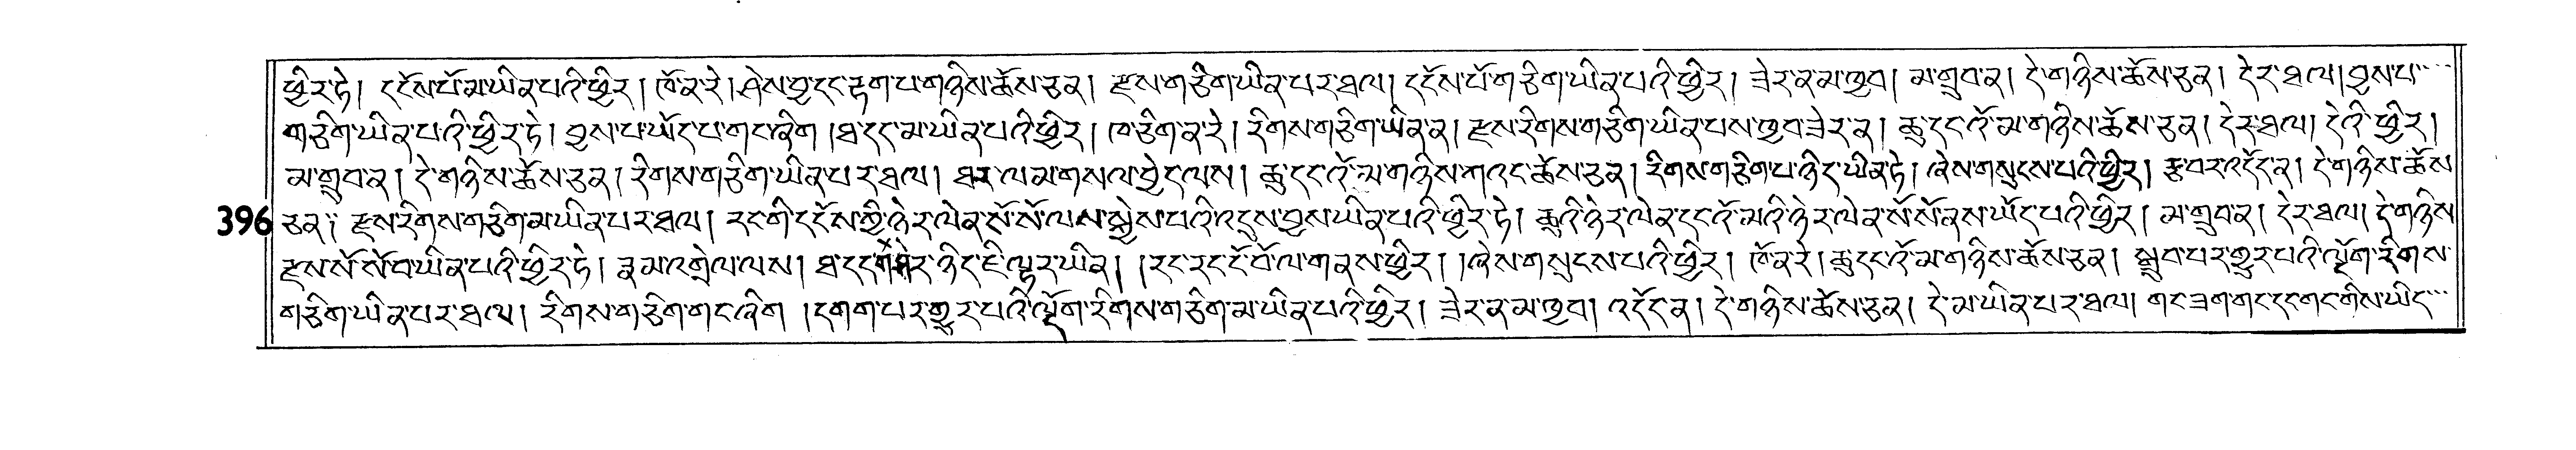ཕྱིར་ཏེ། དངོས་པོ་མ་ཡིན་པའི་ཕྱིར། ཁོ་ན་རེ། ཤེས་ལམ་གསལ་བྱེད་ལས། ཆུ་དང་འོ་མ་གཉིས་ཀའང་ཆོས་ཅན། རིགས་དངོས་པོ་གཅིག་ཡིན་པའི་ཕྱིར། ཟེར་ནམ་ཁྱབ། མ་གྲུབ་ན། དེ་གཉིས་ཆོས་ཅན། དེར་ཐལ། བྱས་པ་
གཅིག་ཡིན་པའི་ཕྱིར་ཏེ། བྱས་པ་ཡོད་པ་གང་ཞིག །ཐ་དད་པ་མ་ཡིན་པའི་ཕྱིར། ཁ་ཅིག་ན་རེ། རིགས་གཅིག་ཡིན་ན། རྫས་རིགས་གཅིག་ཡིན་པས་ཁྱབ་ཟེར་ན། ཆུ་དང་འོ་མ་གཉིས་ཆོས་ཅན། དེར་ཐལ། དེའི་ཕྱིར་
མ་གྲུབ་ན། དེ་གཉིས་ཆོས་ཅན། རིགས་གཅིག་ཡིན་པར་ཐལ། ཐར་ལམ་གསལ་བྱེད་ལས། ཆུ་དང་འོ་མ་གཉིས་ཀའང་ཆོས་ཅན། རིགས་གཅིག་པ་ཉིད་ཡིན་ཏེ། ཞེས་གསུངས་པའི་ཕྱིར། རྩ་བར་འདོད་ན། དེ་གཉིས་ཆོས་
ཅན༑ རྫས་རིགས་གཅིག་མ་ཡིན་པར་ཐལ། རང་གི་དངོས་ཀྱི་ཉེ་རླེན་སོ་སོ་ལས་སྐྱེས་པའི་འདུས་བྱས་ཡིན་པའི་ཕྱིར་ཏེ། ཆུའི་ཉེར་ལེན་དང་འོ་མ་འི་ཉེར་ལེན་སོ་སོ་ནས་ཡོད་པའི་ཕྱིར། མ་གྲུབ་ན། དེར་ཐལ། དེ་གཉིས་
རྫས་སོ་སོ་བ་ཡིན་པའི་ཕྱིར་ཏེ། རྣམ་འགྲེལ་ལས། ཐ་དད་ཤེར་ཉིད་ཇི་ལྟར་ཡིན། །རང་རང་ངོ་བོ་ལ་གནས་ཕྱིར། །ཞེས་གསུངས་པའི་ཕྱིར། ཁོ་ན་རེ། ཆུ་དང་འོ་མ་ཆོས་ཅན། སྒྲུབ་པར་གྱུར་པའི་ལྡོག་རིགས་
གཅིག་ཡིན་པར་ཐལ། རིགས་གཅིག་གང་ཞིག །དགག་པར་གྱུར་པའི་ལྡོག་རིགས་གཅིག་མ་ཡིན་པའི་ཕྱིར། ཟེར་ན་མ་ཁྱབ། འདོད་ན། དེ་གཉིས་ཆོས་ཅན། དེ་མ་ཡིན་པར་ཐལ། གང་ཟག་གང་དང་གང་གིས་ཡིད་